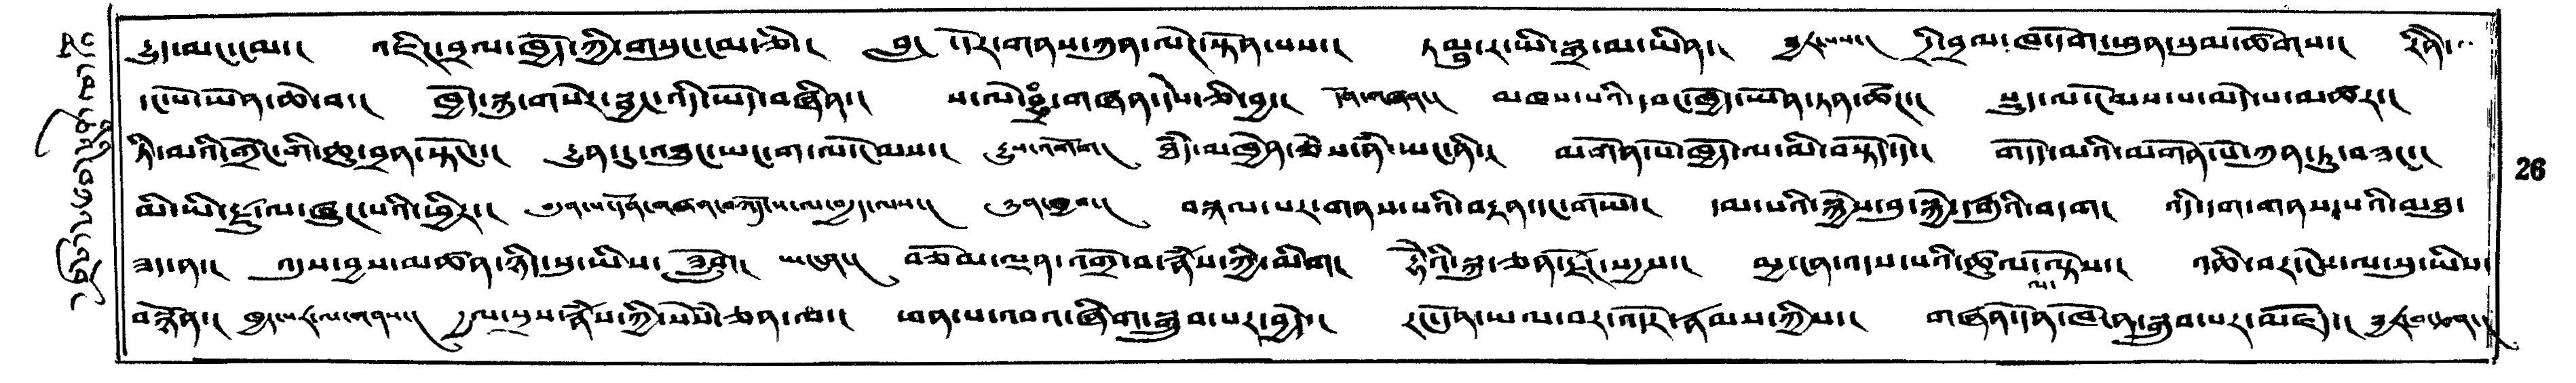རྒྱུད་མང་ངམ། །འཇིགས་བྲལ་ཁྱོད་ཀྱི་གསུང་ངམ་ཅི། །བླང་དོར་གནས་ཀུན་ལེགས་སྟོན་པས། །ཏམྦུ་ར་ཡི་སྒྲ་མ་ཡིན། ། སྦྱར་པས། དྲི་བྲལ་ཁ་དོག་ཕུན་སུམ་ཚོགས། །རིན་ཆེན་
དང་པོ་ཡོན་ཆེ་བ། །ཁྱོད་སྐུ་གསེར་སྦྱང་འདི་ཡོད་བཞིན། །ས་ལེ་སྦྲམ་གཞན་དེས་ཅི་བྱ། ། དོན་གཞན། མཁས་པའི་དབང་ཁྱོད་ཡོན་ཏན་ཚོགས། །སྡུད་ལ་ངོམས་པ་མེད་པ་མཚར། །
ཏི་མའི་གྲོང་གི་ཆུ་བྲན་སྟོང་། །རྒྱུན་དུ་འཐུང་ཡང་ག་ལ་ངོམས། ། རྒྱུས་འགོགཐམས་ཅད་མཁྱེན་ཅེས་ནམ་ཡང་ནི། །མགོན་པོ་ཁྱོད་ལ་མི་བསྟོད་དེ། །གདོད་མའི་མགོན་པོ་ཀུན་ཏུ་བཟང་། །
མི་ཡི་རྫུ་ལ་ཞུགས་པའི་ཕྱིར། བདུན་པ་དོན་གཞན་བཀོད་པ་ལ་བརྒྱད་ལས། ཀུན་ཁྱབ། བསྐལ་པར་གནས་པའི་བརྟན་དང་གཡོ། །དམ་པའི་སྐྱེས་བུ་སྐྱེ་རྒུའི་བདག །འདི་དག་གནས་པའི་མཐུ་
ཟད་ན། །འདུས་བྱས་མཚན་ཉིད་སུ་ཡིས་ཟློག ། ཡང་ན། བཅོམ་ལྡན་འགྲོ་བ་རྣམས་ཀྱི་མིག །རྡོ་རྗེའི་སྐུ་ཅན་རྫོགས་སངས་རྒྱས། །མྱ་ངན་འདས་པའི་ཚུལ་ལ་ལྟོས། །འཆི་བར་ངེས་ལ་སུ་ཡིས་
བསྙོན། ། ཁྱད་པར་ལ་གནས། རྒྱལ་སྲས་རྣམས་ཀྱི་སེམས་ཅན་ལ། །ཕན་པ་འབའ་ཞིག་སྒྲུབ་པར་བྱེད། །རང་དོན་ཡལ་བར་འདོར་རྣམས་ཀྱིས། །གཞན་དོན་ཁོ་ན་སྒྲུབ་པར་མཛད། ། སྦྱར་བ་ཅན།